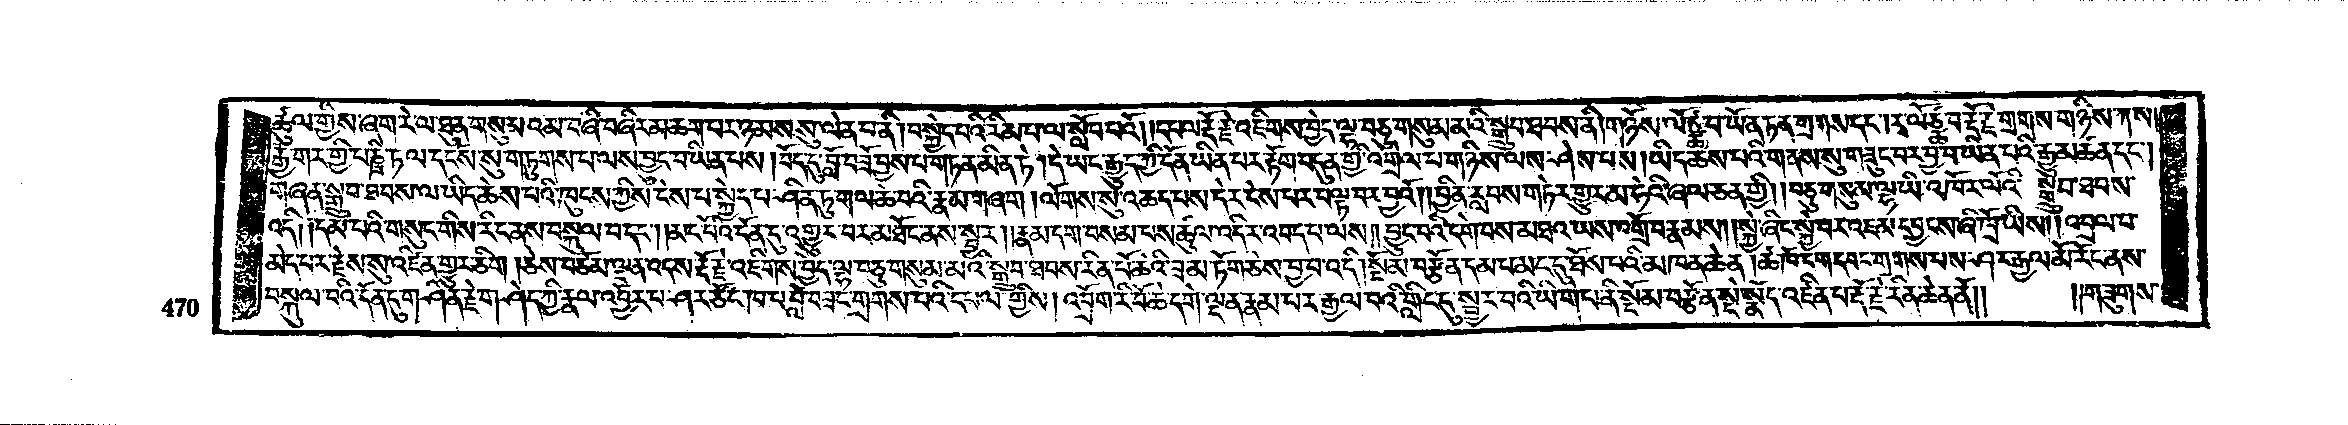ཚུལ་གྱིས་ཞག་རེ་ལ་ཐུན་གསུམ་འམ་བཞི་བཞིར་མ་ཆག་པར་ཉམས་སུ་ལེན་པ་ནི། བསྐྱེད་པའི་རིམ་པ་ལ་སློབ་པའོ། །དཔལ་རྡོ་རྗེ་འཇིགས་བྱེད་ལྷ་བཅུ་གསུམ་མའི་སྒྲུབ་ཐབས་ནི། གཉོས་ལོཙྪ་བ་ཡོན་ཏན་གྲགས་དང་། རྭ་ལོཙྪ་བ་རྡོ་རྗེ་གྲགས་གཉིས་ཀས་
རྒྱ་གར་གྱི་པཎྜི་ཏ་ལ་དངོས་སུ་གཏུགས་པ་ལས་བྱུང་བ་ཡིན་པས། བོད་དུ་བློ་བཟོ་བྱས་པ་གཏན་མིན་ཏེ། དེ་ཡང་རྒྱུད་ཀྱི་དོན་ཡིན་པར་རྟོག་བདུན་གྱི་འགྲེལ་པ་གཉིས་ལས་ཤེས་པས། ཡིད་ཆེས་པའི་གནས་སུ་གཟུང་བར་བྱ་བ་ཡིན་པའི་རྒྱུ་མཚན་དང་།
གཞན་སྒྲུབ་ཐབས་ལ་ཡིད་ཆེས་པའི་ཁུངས་ཀྱིས་ངེས་པ་སྐྱེད་པ་ཤིན་ཏུ་གལ་ཆེ་བའི་རྣམ་གཞག །ལོགས་སུ་འཆད་པས་དེར་ངེས་པར་བལྟ་བར་བྱའོ། །བྱིན་རླབས་གཏེར་གྱུར་མ་ཧེའི་ཞལ་ཅན་གྱི། །བཅུ་གསུམ་ལྷ་ཡི་འཁོར་ལོའི་སྒྲུབ་ཐབས་
འདི། །དམ་པའི་གསུང་གིས་རིང་ནས་བསྐུལ་བ་དང་། །མང་པོའི་དོན་དུ་འགྱུར་བར་མཐོང་ནས་སྦྱར། །རྣམ་དག་བསམ་པས་ཚུལ་འདིར་འབད་པ་ལས། །བྱུང་བའི་དགེ་བས་མཐའ་ཡས་འགྲོ་བ་རྣམས། །སྐྱེ་ཞིང་སྐྱེ་བར་འཇམ་དབྱངས་ཞི་ཁྲ་ཡིས། །འབྲལ་བ་
མེད་པར་རྗེས་སུ་འཛིན་གྱུར་ཅིག །ཅེས་བཅོམ་ལྡན་འདས་རྡོ་རྗེ་འཇིགས་བྱེད་ལྷ་བཅུ་གསུམ་མའི་སྒྲུབ་ཐབས་རིན་པོ་ཆེའི་ཟ་མ་ཏོག་ཅེས་བྱ་བ་འདི། སྡོམ་བརྩོན་དམ་པ་མང་དུ་ཐོས་པའི་མཁན་ཆེན། ཚ་ཁོ་ངག་དབང་གྲགས་པས་ཤར་རྒྱལ་མོ་རོང་ནས་
བསྐུལ་བའི་དོན་དུ་གཤིན་རྗེ་གཤེད་ཀྱི་རྣལ་འབྱོར་པ་ཤར་ཙོང་ཁ་པ་བློ་བཟང་གྲགས་པའི་དཔལ་གྱིས། འབྲོག་རི་བོ་ཆེ་དགེ་ལྡན་རྣམ་པར་རྒྱལ་བའི་གླིང་དུ་སྦྱར་བའི་ཡི་གེ་པ་ནི་སྡོམ་བརྩོན་སྡེ་སྣོད་འཛིན་པ་རྡོ་རྗེ་རིན་ཆེན་ནོ།། །།གཟུགས་